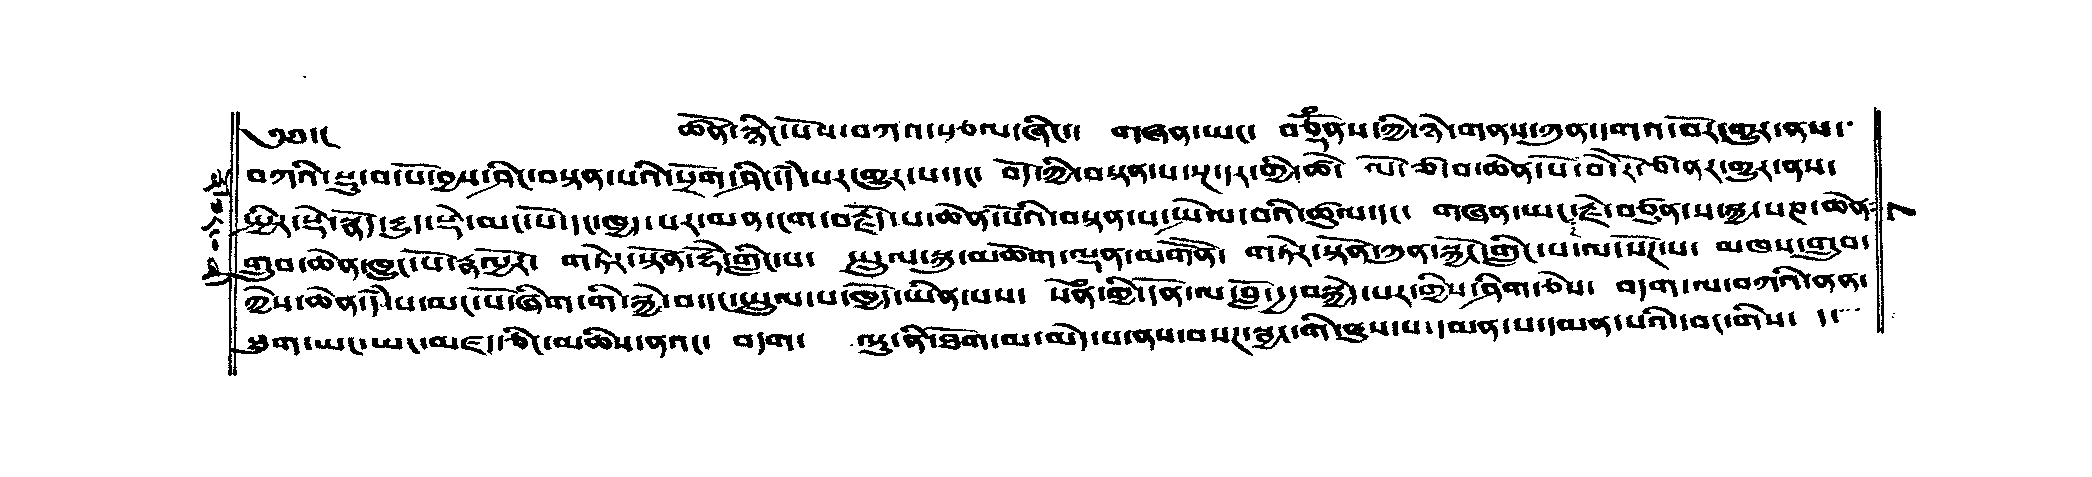ཚོན་སྙིང་པོས་བཀའ་བསྩལ་ཞིང་། གཞན་ཡང་།བཅོམ་ལྡན་འདས་ཀྱི་ཉེ་གནས་ཀུན་དགའ་བོར་གྱུར་ནས་
བཀའི་སྡུ་བ་པོ་བྱས་ཤིང་བསྟན་པའི་སྲོག་ཤིང་དམ་པར་གྱུར་པ་དང་། བོད་ཀྱི་བསྟན་པ་སྔ་དར་གྱི་ཚེ། ལོ་ཙཱ་བ་ཆེན་པོ་བཻ་རོ་ཙ་ནར་གྱུར་ནས་
སྤྱིར་སྡེ་སྣོད་རྒྱུད་སྡེ་མང་པོ་དང་ཁྱད་པར་མན་ངག་རྫོགས་པ་ཆེན་པོའི་བསྟན་པ་སྤེལ་བའི་ཚུལ་དང་། གཞན་ཡང་༧རྗེ་བཙུན་ས་སྐྱ་པཎ་ཆེན་
གྲུབ་ཆེན་ཁྱུང་པོ་རྣལ་འབྱོར། གཏེར་སྟོན་རྡོ་རྗེ་གླིང་པ། སྤྲུལ་སྐུ་མཆོག་ལྡན་མགོན་པོ། གཏེར་སྟོན་ཀུན་སྐྱོང་གླིང་པ་ལ་སོགས་པ་མཁས་གྲུབ་
སྐྱེས་ཆེན་དམ་པ་མང་པོ་ཞིག་གི་སྐྱེ་བ་དང་སྤྲུལ་པ་ཁྱོད་ཡིན་པས། སེམས་ཅན་གྱི་དོན་ལ་བློ་རྒྱ་བསྐྱེད་པར་གྱིས་ཤིག་ཅེས། བདག་ལ་བཀའ་ཡི་ནན་
ཐུག་ཡང་ཡང་མཛད་ཅིང་མཆིས་ནའང་། བདག་ལྟ་བུ་ནི་ཐོག་མ་མེད་པ་ནས་བསགས་སྦྱང་གི་ནུས་པ་དམན་པའི་དབང་གིས། ད་